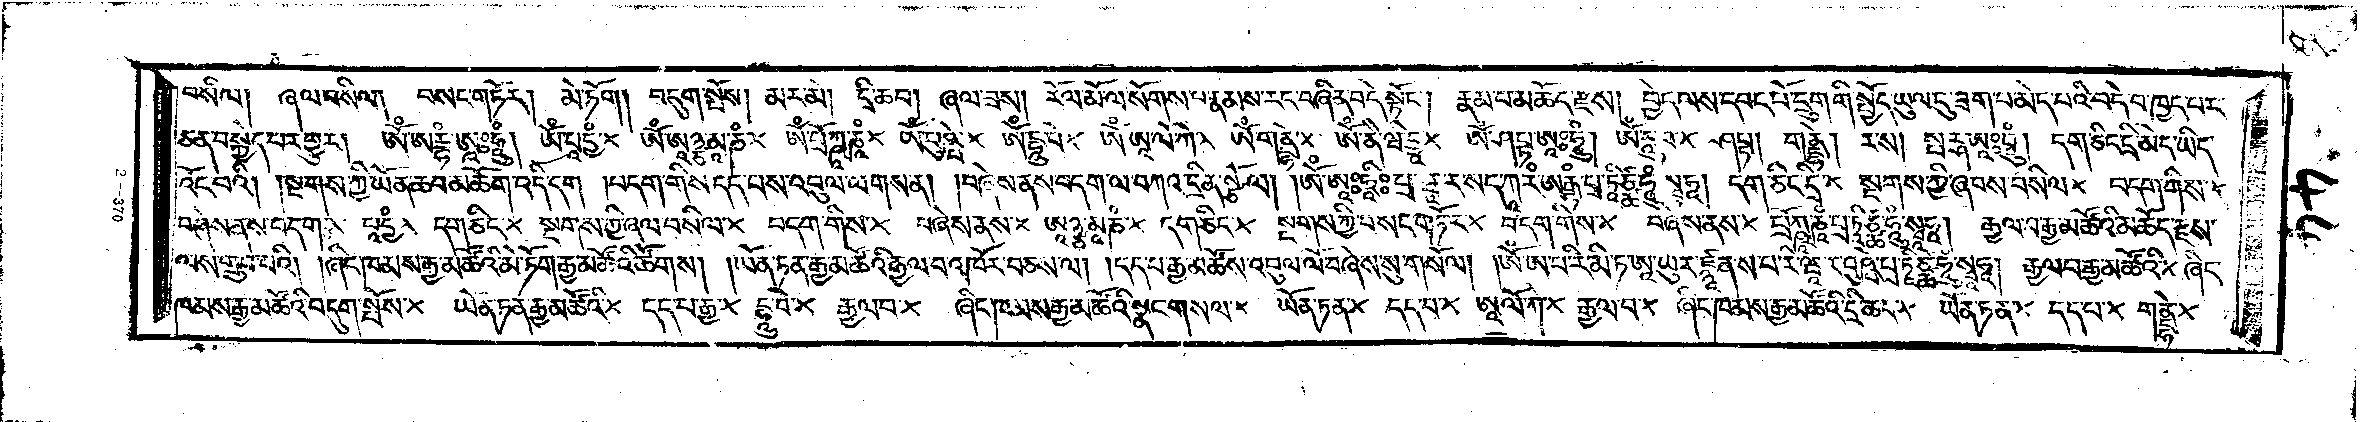བསིལ། ཞལ་བསིལ། བསང་གཏོར། མེ་ཏོག། བདུག་སྤོས། མར་མེ། དྲི་ཆབ། ཞལ་ཟས། རོལ་མོ་ལ་སོགས་པ་རྣམས་རང་བཞིན་བདེ་སྟོང་། རྣམ་པ་མཆོད་རྫས། བྱེད་ལས་དབང་པོ་དྲུག་གི་སྤྱོད་ཡུལ་དུ་ཟག་པ་མེད་པའི་བདེ་བ་ཁྱད་པར་
ཅན་བསྐྱེད་པར་གྱུར། ཨོཾ་ཨརྷཾ་ཨཱཿཧཱུཾ། ཨོཾ་པཱདྱཾ་྾་ཨོཾ་ཨཱཉྩ་མཱ་ཎཾ་྾་ཨོཾ་པྲོཀྵཱ་ཎཱཾ་྾་ཨོཾ་པུཥྤེ་྾་ཨོཾ་དྷུ་པེ་྾་ཨོཾ་ཨཱ་ལོ་ཀེ་྾་ཨོཾ་གནྡྷེ་྾་ཨོཾ་ནཻ་ཝིདྱཱ་྾་ཨོཾ་ཤཔྟ་ཨཱཿཧཱུཾ། ཨོཾ་རཱུའ་྾་ཤཔྟ། གནྡྷེ། ར་ས། སྤརྴ་ཨཱཿབཱུཾ། དག་ཅིང་དྲི་མེད་ཡིད་
འོང་བའི། །སྔགས་ཀྱི་ཡོན་ཆབ་མཆོག་འདི་དག །བདག་གིས་དད་པས་འབུལ་ལགས་ན། །བཞེས་ནས་བདག་ལ་བཀའ་དྲིན་སྩོལ། །ཨོཾ་ཨཱཿཧྲཱིཿཔྲ་ཝཱ་ར་སད་ཀཱ་རཾ་ཨརྒྷཾ་པྲ་ཏཱིཙྪ་ཧཱུཾ་སྭཧཱ། དག་ཅིང་དྲི་྾་སྔགས་ཀྱི་ཞབས་བསིལ་྾་བདག་གིས་྾་
བཞེས་ནས་བདག་྾་པཱདྱཾ་྾་དག་ཅིང་྾་སྔགས་ཀྱི་ཞལ་བསིལ་྾་བདག་གིས་྾་བཞེས་ནས་྾་ཨཱཉྩ་མཱ་ཎཾ་྾་དག་ཅིང་྾་སྔགས་ཀྱི་བསང་གཏོར་྾་བདག་གིས་྾་བཞས་ནས་྾་པྲོཀྵཱ་ཎཱཾ་པྲ་ཏཱིཙྪ་ཧུའཾ་སྭཱཧཱ། རྒྱལ་བ་རྒྱ་མཚོའི་མཆོད་རྫས་
ལས་གྲུབ་པའི། །ཞིང་ཁམས་རྒྱ་མཚོའི་མེ་ཏོག་རྒྱ་མཚོའི་ཚོགས། །ཡོན་ཏན་རྒྱལ་མཚོའི་རྒྱལ་བ་འཁོར་བཅས་ལ། །དད་པ་རྒྱ་མཚོས་འབུལ་ལོ་བཞེས་སུ་གསོལ། །ཨོཾ་ཨ་པ་རི་མི་ཏ་ཨཱ་ཡུར་ཛྙཱ་ན་ས་པ་རི་ཝཱ་ར་བུཥྥེ་པྲ་ཏཱིཙྪ་ཧཱུཾ་སྭཱཧཱ། རྒྱལ་བ་རྒྱ་མཚོའི་྾་ཞིང་
ཁམས་རྒྱ་མཚོའི་བདུག་སྤོས་྾་ཡོན་ཏན་རྒྱ་མཚོའི་྾་དད་པ་རྒྱ་྾་དྷཱུ་བེ་྾་རྒྱལ་བ་྾་ཞིང་ཁམས་རྒྱ་མཚོའི་སྣང་གསལ་྾་ཡོན་ཏན་྾་དད་པ་྾་ཨཱ་ལོ་ཀེ་྾་རྒྱལ་བ་྾་ཞིང་ཁམས་རྒྱ་མཚོའི་དྲི་ཆང་྾་ཡོན་ཏན་྾་དད་པ་྾་གནྡྷེ་྾་